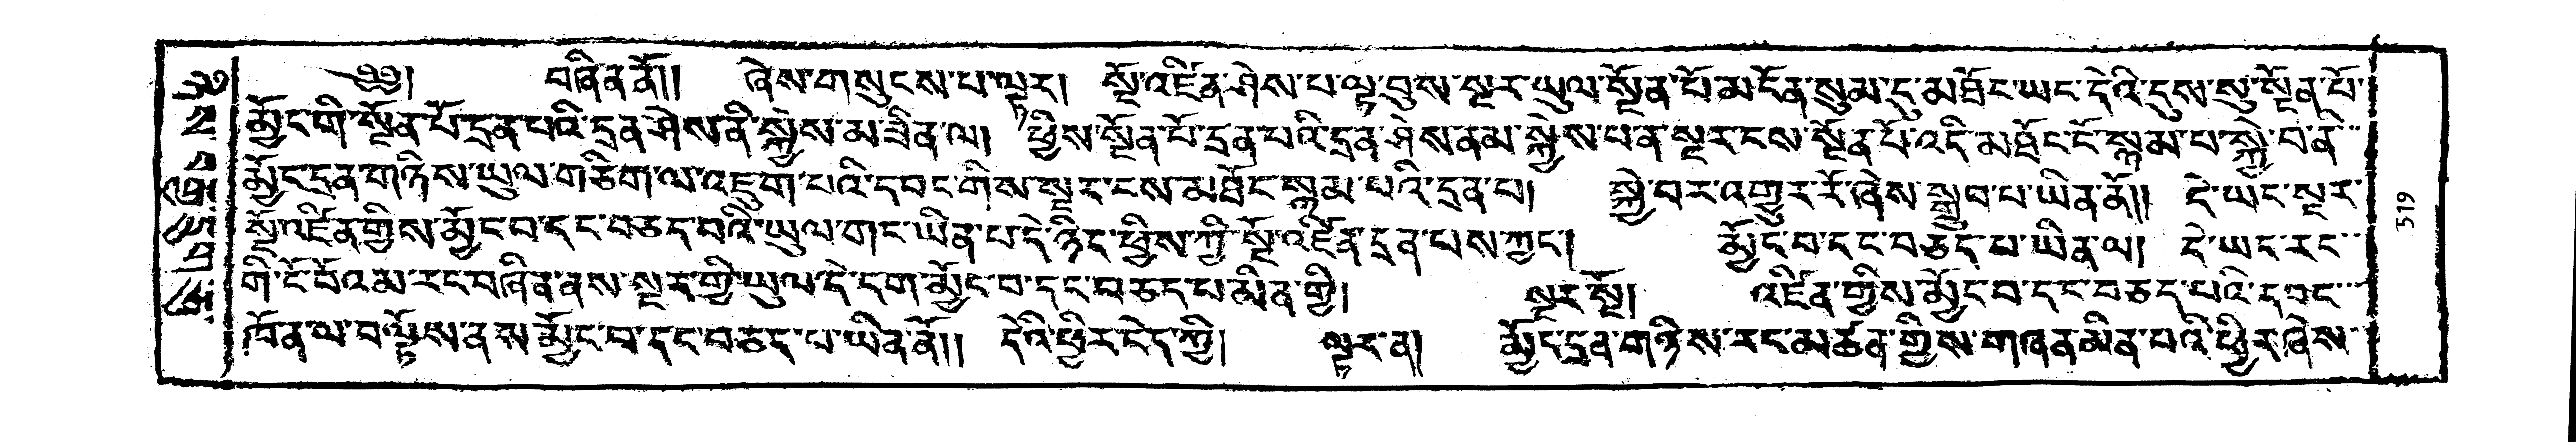༄༅། །བཞིན་ནོ། །ཞེས་གསུངས་པ་ལྟར། སྔོ་འཛིན་ཤེས་པ་ལྟ་བུས་སྔར་ཡུལ་སྔོན་པོ་མངོན་སུམ་དུ་མཐོང་ཡང་དེའི་དུས་སུ་སྔོན་པོ་
མྱོང་གི་སྔོན་པོ་དྲན་པའི་དྲན་ཤེས་ནི་སྐྱེས་མ་ཟིན་ལ། ཕྱིས་སྔོན་པོ་དྲན་པའི་དྲན་ཤེས་ནམ་སྐྱེས་པ་ན་སྔར་ངས་སྔོན་པོ་འདི་མཐོང་ངོ་སྙམ་པ་སྐྱེ་བ་ནི་
མྱོང་དྲན་གཉིས་ཡུལ་གཅིག་ལ་འཇུག་པའི་དབང་གིས་སྔར་བས་མཐོང་སྙམ་པའི་དྲན་པ། སྐྱེ་བར་འགྱུར་རོ་ཞེས་སྒྲུབ་པ་ཡིན་ནོ། །དེ་ཡང་སྔར་
སྔོ་འཛིན་གྱིས་མྱོང་བ་དང་བཅད་པའི་ཡུལ་གང་ཡིན་པ་དེ་ཉིད་ཕྱིས་ཀྱི་སྔོ་འཛིན་དྲན་པས་ཀྱང་། མྱོང་བ་དང་བཅད་པ་ཡིན་ལ། དེ་ཡང་རང་
གི་ངོ་བོའམ་རང་བཞིན་ནས་སྔར་གྱི་ཡུལ་དེ་དག་མྱོང་བ་དང་བཅད་པ་མིན་གྱི། སྔར་སྔོ། འཛིན་གྱིས་མྱོང་བ་དང་བཅད་པའི་དབང་
ཁོ་ན་ལ་བལྟོས་ནས་མྱོང་བ་དང་བཅད་པ་ཡིན་ནོ། །དེའི་ཕྱིར་ངེད་ཀྱི། ལྟར་ན། མྱོང་དྲན་གཉིས་རང་མཚན་གྱིས་གཞན་མིན་པའི་ཕྱིར་ཞེས་